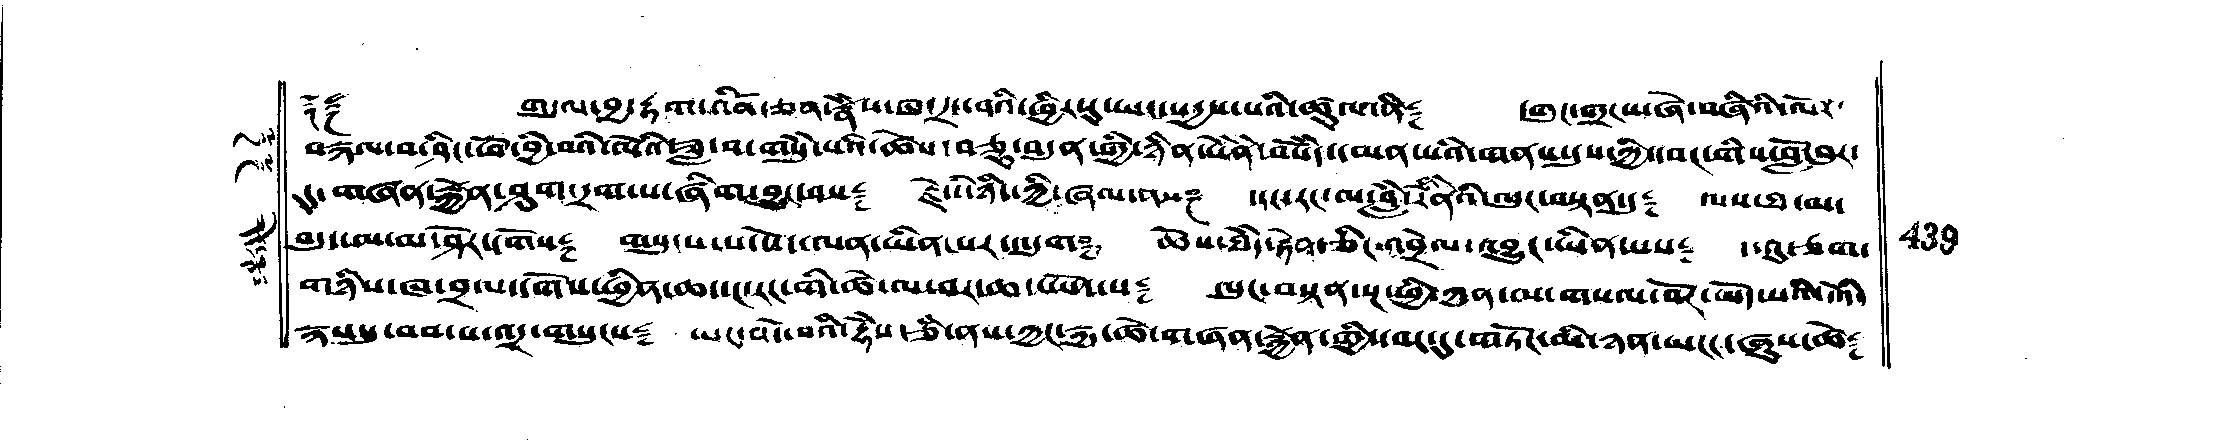གདུལ་བྱ་རྟག་འཛིན་ཅན་རྣམས་ཁ་དྲང་བའི་ཕྱིར་དུ་ཡང་སངས་རྒྱས་པའི་ཚུལ་ནི། དགུང་གྲངས་ཞེ་བཞིའི་ལོར་
བསྐལ་པ་ཤིང་ཕོ་བྱི་བའི་ལོའི་ཟླ་བ་གསུམ་པའི་ཚེས་བཅུ་བདུན་གྱི་ཉིན་སེམས་ཅན་བསོད་ནམས་དམན་པའི་གནས་དུས་ཀྱི་དབང་གིས་གློ་བུར་
དུ་གཞན་རྐྱེན་ཤུགས་དྲག་པ་ཞིག་བྱུང་བས།རྗེ་དེ་ཉིད་ཀྱི་ཞལ་ནས། ད་ང་རང་ལ་བླ་མ་རིན་པོ་ཆེའི་ལུང་བསྟན་དུ། ལས་ཐ་མ་
བདུད་ལ་མ་ཤོར་དགོས། གསུངས་པ་དེ་ད་ལན་ཡིན་པར་འདུག། ཆོས་ཐམས་ཅད་རྟེན་ཅིང་འབྲེལ་འབྱུང་ཡིན་པས། ད་འུ་ཅག་
གཉིས་ཁ་བྲལ་དགོས་ཕྱིན་ཆད་ང་རང་གི་ཚེ་ལ་བར་ཆད་ཡོད་པ། ལུང་བསྟན་སྔ་ཕྱི་ཀུན་ལ་གསལ་པོར་ཡོད་པས་དེའི་
སྐབས་སུ་བབ་པ་འདྲ་གསུངས། ཡང་བདེ་བའི་རྡོ་རྗེས་ཅི་ནས་ཀྱང་སྐུ་ཚེ་གཞན་རྐྱེན་གྱི་དབང་དུ་གཏོང་མི་ཉན་ཡང་ཡང་ཞུས་ཚེ།